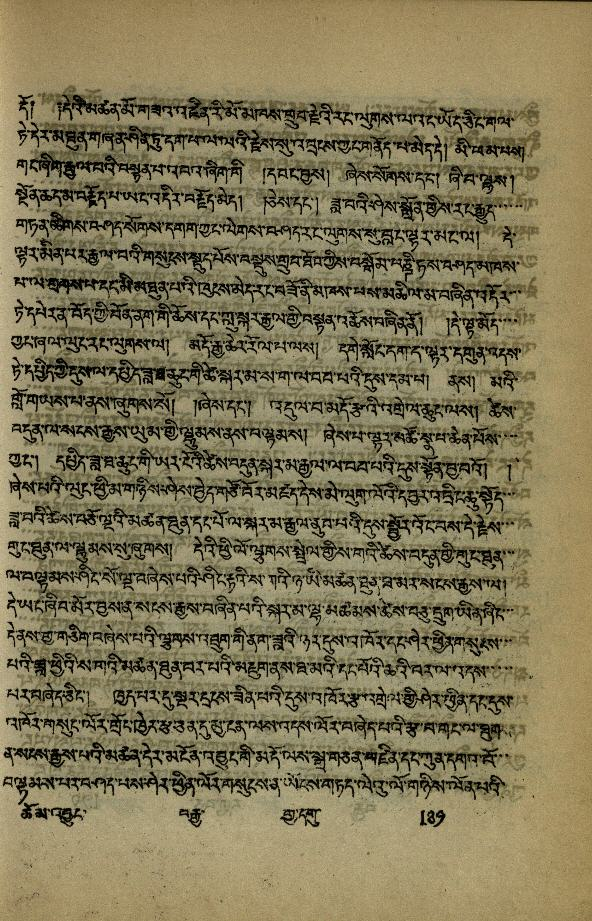དོ༑ ༑དེའི་མཚན་མོ་གཟའ་འཛིན་རི་མོ་མཁས་གྲུབ་རྗེའི་རང་ལུགས་ལའང་ཡོད་ཅིང་གལ་
ཏེ་དེར་མཐུན་གཞན་ཤིན་ཏུ་དག་པ་ལ་ལའི་རྗེས་སུ་འབྲངས་ཀྱང་གནོད་པ་མེད་དེ། མི་ཕམ་པས།
གང་ཞིག་རྒྱལ་བའི་བསྟན་པ་འབའ་ཞིག་གི །དབང་བྱས། ཞེས་སོགས་དང་། ཞི་བ་ལྷས།
སྔོན་ཆད་མ་བརྗོད་པ་ཡང་འདིར་བརྗོད་མེད། །ཅེས་དང་། ཟླ་བའི་ཤེས་སྒྲོན་གྱིས་རང་རྒྱུད་
གཏན་ཚིགས་བཤད་སོགས་དགག་ཀྱང་ལེགས་བཤད་རང་ལུགས་སུ་བླང་ལྟར་མང་ལ། དེ་
ལྟར་མིན་པར་རྒྱལ་བའི་གསུངས་སྡུད་པོས་བསྡུས་གྲུབ་ཐོབ་ཀྱིས་བསྒོམ་པཎྜི་ཏས་བཤད་མཁས་
པ་ལ་གྲགས་པ་དང་མི་མཐུན་པའི་ཁུངས་མེད་རང་བཟོ་ནི་མཁས་པས་མཆིལ་མ་བཞིན་འདོར་
ཏེ་དཔེར་ན་བོད་ཀྱི་བོན་ནག་གི་ཆོས་དང་ཀླུ་སྐར་རྒྱལ་གྱི་བསྟན་འཆོས་བཞིན་ནོ། །དེ་ལྟ་མོད་
ཀྱང་ཞལ་ལུང་རང་ལུགས་ལ། མདོ་རྒྱ་ཆེར་རོལ་པ་ལས། དགེ་སློང་དག་ད་ལྟར་དགུན་འདས་
ཏེ་དཔྱིད་ཀྱི་དུས་ལ་དཔྱིད་ཟླ་བ་ཆུང་གི་ཚེ་སྐར་མ་ས་ག་ལ་བབ་པའི་དུས་དམ་པ། ནས། མའི་
གློ་གཡས་པ་ནས་ཞུགས་སོ། །ཞེས་དང་། འདུལ་བ་མདོ་རྩའི་འགྲེལ་ཆུང་ལས། ཚེས་
བདུན་ལ་སངས་རྒྱས་ཡུམ་གྱི་ལྷུམས་ནས་བལྟམས། ཞེས་པ་ལྟར་མཚོ་སྣ་པ་ཆེན་པོས་
ཀྱང་། དཔྱིད་ཟླ་ཐ་ཆུང་གི་ཡར་ངོའི་ཚེས་བདུན་སྐར་མ་རྒྱལ་ལ་བབ་པའི་དུས་སྟོན་བྱ་བའོ། །
ཞེས་པའི་ལུང་ཕྱི་མ་གཉིས་ཤེས་བྱེད་གཙོ་བོར་མཛད་དེས་མེ་ལུག་ལོའི་དབྱར་འབྲིང་ཆུ་སྟོད་
ཟླ་བའི་ཚེས་བཅོ་ལྔའི་མཚན་ཐུན་དང་པོ་ལ་སྐར་མ་རྒྱལ་ནུབ་པའི་དུས་སྦྱོར་འོང་བས་དེ་རྗེས་
གུང་ཐུན་ལ་ལྷུམས་སུ་ཞུགས། དེའི་ཕྱི་ལོ་ལྕགས་སྤྲེལ་གྱིས་གའི་ཚེས་བདུན་གྱི་གུང་ཐུན་
ལ་བལྟམས་ཤིང་སོ་ལྔ་བཞེས་པའི་ཤིང་རྟའི་ས་གའི་ཉ་ཡི་མཚན་ཐུན་ཐ་མར་སངས་རྒྱས་ལ།
དེ་ཡང་ཞིབ་མོར་བྱས་ན་སངས་རྒྱས་བཞིན་པའི་སྐར་མ་ལྷ་མཚམས་ཚེས་བཅུ་དྲུག་ཡིན་ཞིང་
དེ་ནས་གྱ་གཅིག་བཞེས་པའི་ལྕགས་འབྲུག་གི་ནག་ཟླའི་ཉར་དུས་འཁོར་དང་ཤེར་ཕྱིན་གསུངས་
པའི་ཟླ་ཕྱིའི་ས་གའི་མཚན་ཐུན་བར་པའི་མཇུག་ནས་ཐ་མའི་དང་པོའི་ཆའི་བར་ལ་འདས་
པར་བཞེད་ཅིང་། ཁྱད་པར་དུ་སྔར་དྲངས་ཟིན་པའི་དུས་འཁོར་རྩ་འགྲེལ་གྱི་ཤེར་ཕྱིན་དང་དུས་
འཁོར་གསུང་ལོར་གྲོང་ཁྱེར་རྩ་ཅན་དུ་མྱ་ངན་ལས་འདས་ལོར་བཞེད་པའི་རྩ་བ་གང་ལ་ཐུག་
ན་སངས་རྒྱས་པའི་མཚན་དེར་མངོན་འབྱུང་གི་མདོ་ལས་སྒྲ་གཅན་འཛིན་དང་ཀུན་དགའ་བོ་
བལྟམས་པར་བཤད་པས་ཤེར་ཕྱིན་ལོར་གསུངས་ན་ཡོངས་གཏད་ལེའུ་ལོ་གཉིས་ལོན་པའི་